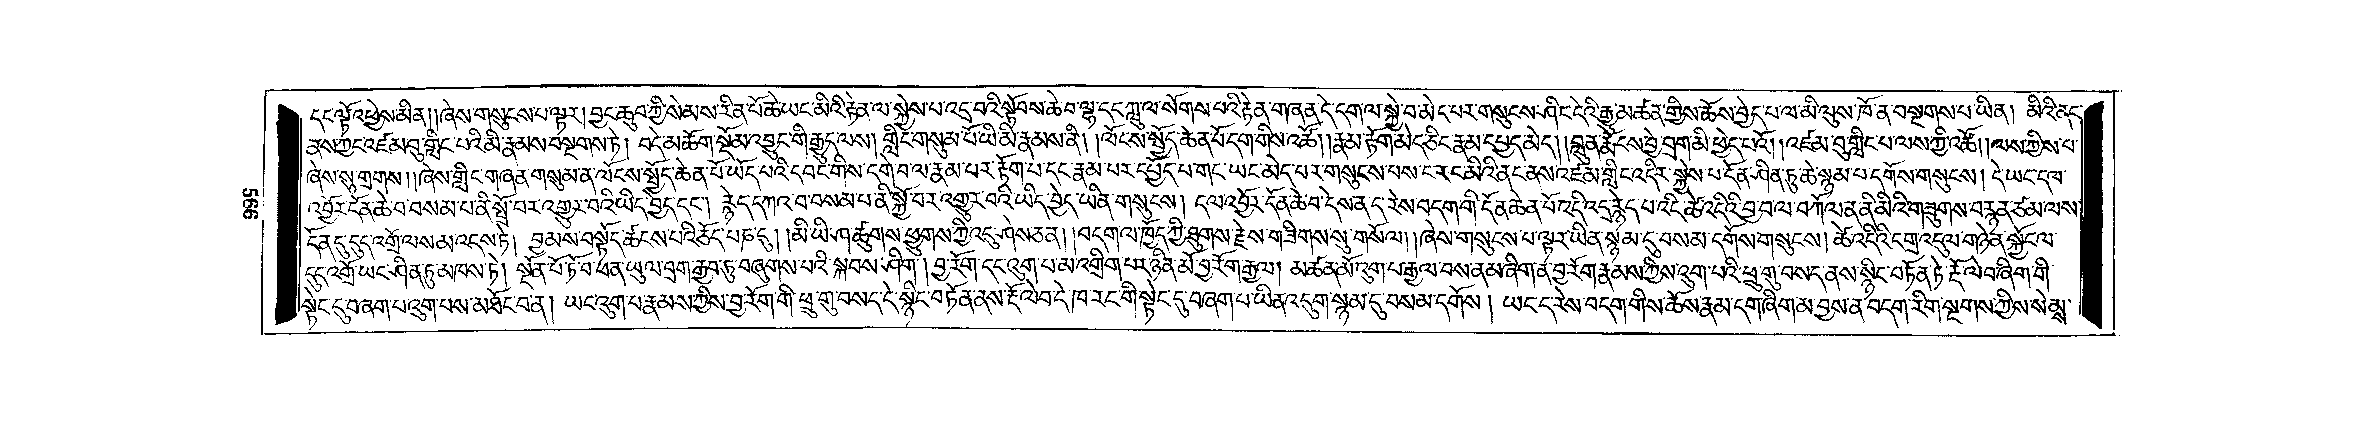དང་ལྟོ་འཕྱེས་མིན། །ཞེས་གསུངས་པ་ལྟར། བྱང་ཆུབ་ཀྱི་སེམས་རིན་པོ་ཆེ་ཡང་མིའི་རྟེན་ལ་སྐྱེས་པ་འདྲ་བའི་སྟོབས་ཆེ་བ་ལྷ་དང་ཀླུ་ལ་སོགས་པའི་རྟེན་གཞན་དེ་དག་ལ་སྐྱེ་བ་མེད་པར་གསུངས་ཤིང་དེའི་རྒྱུ་མཚན་གྱིས་ཆོས་བྱེད་པ་ལ་མི་ལུས་ཁོ་ན་བསྔགས་པ་ཡིན། མིའི་ནང་
ནས་ཀྱང་འཛམ་བུ་གླིང་པའི་མི་རྣམས་བསྔགས་ཏེ། བདེ་མཆོག་སྡོམ་འབྱུང་གི་རྒྱུད་ལས། གླིང་གསུམ་པོ་ཡི་མི་རྣམས་ནི། །ལོངས་སྤྱོད་ཆེན་པོ་དག་གིས་འཚོ། །རྣམ་རྟོག་མེད་ཅིང་རྣམ་དཔྱད་མེད། །བླུན་རྨོངས་བྱེ་བྲག་མི་ཕྱེད་པའོ། །འཛམ་བུ་གླིང་པ་ལས་ཀྱི་འཚོ། །ལས་ཀྱིས་པ་
ཞེས་སུ་གྲགས། །ཞེས་གླིང་གཞན་གསུམ་ན་ལོངས་སྤྱོད་ཆེན་པོ་ཡོད་པའི་དབང་གིས་དགེ་བ་ལ་རྣམ་པར་རྟོག་པ་དང་རྣམ་པར་དཔྱོད་པ་གང་ཡང་མེད་པར་གསུངས་པས་ང་རང་མིའི་ནང་ནས་འཛམ་གླིང་འདིར་སྐྱེས་པ་དོན་ཤིན་ཏུ་ཆེ་སྙམ་པ་དགོས་གསུངས། དེ་ཡང་དལ་
འབྱོར་དོན་ཆེ་བ་བསམ་པ་ནི་སྤྲོ་བར་འགྱུར་བའི་ཡིད་བྱེད་དང་། རྙེད་དཀའ་བ་བསམ་པ་ནི་སྐྱོ་བར་འགྱུར་བའི་ཡིད་བྱེད་ཡིན་གསུངས། དལ་འབྱོར་དོན་ཆེ་བ་དེས་ན་ད་རེས་བདག་གི་དོན་ཆེན་པོ་འདི་འདྲ་རྙེད་པ་འདི་ཚེ་འདིའི་བྱ་བ་ལ་བཀོལ་ན་ནི་མིའི་གཟུགས་བརྙན་ཙམ་ལས་
དོན་དུ་དུད་འགྲོ་ལས་མ་འདས་ཏེ། བྱམས་བསྟོད་ཚངས་པའི་ཅོད་པཎ་དུ། །མི་ཡི་ཤ་ཚུགས་ཕྱུགས་ཀྱི་འདུ་ཤེས་ཅན། །བདག་ལ་ཁྱོད་ཀྱི་ཐུགས་རྗེས་གཟིགས་སུ་གསོལ། །ཞེས་གསུངས་པ་ལྟར་ཡིན་སྙམ་དུ་བསམ་དགོས་གསུངས། ཚེ་འདིའི་དགྲ་འདུལ་གཉེན་སྐྱོང་ལ་
དུད་འགྲོ་ཡང་ཤིན་ཏུ་མཁས་ཏེ། སྔོན་པོ་ཏོ་བ་ཕན་ཡུལ་བྲག་རྒྱབ་ཏུ་བཞུགས་པའི་སྐབས་ཤིག །བྱ་རོག་དང་འུག་པ་མ་འགྲིག་པར་ཉིན་མོ་བྱ་རོག་རྒྱལ། མཚན་མོ་འུག་པ་རྒྱལ་བས་ནམ་ཞིག་ན་བྱ་རོག་རྣམས་ཀྱིས་འུག་པའི་ཕྲུ་གུ་བསད་ནས་སྙིང་བཏོན་ཏེ་རྡོ་ལེབ་ཞིག་གི་
སྟེང་དུ་བཞག་པ་འུག་པས་མཐོང་བ་ན། ཡང་འུག་པ་རྣམས་ཀྱིས་བྱ་རོག་གི་ཕྲུ་གུ་བསད་དེ་སྙིང་བཏོན་ནས་རྡོ་ལེབ་དེ་ཁ་རང་གི་སྟེང་དུ་བཞག་པ་ཡིན་འདུག་སྙམ་དུ་བསམ་དགོས། ཡང་ད་རེས་བདག་གིས་ཆོས་རྣམ་དག་ཞིག་མ་བྱས་ན་བདག་རིག་སྔགས་ཀྱིས་སེམས་